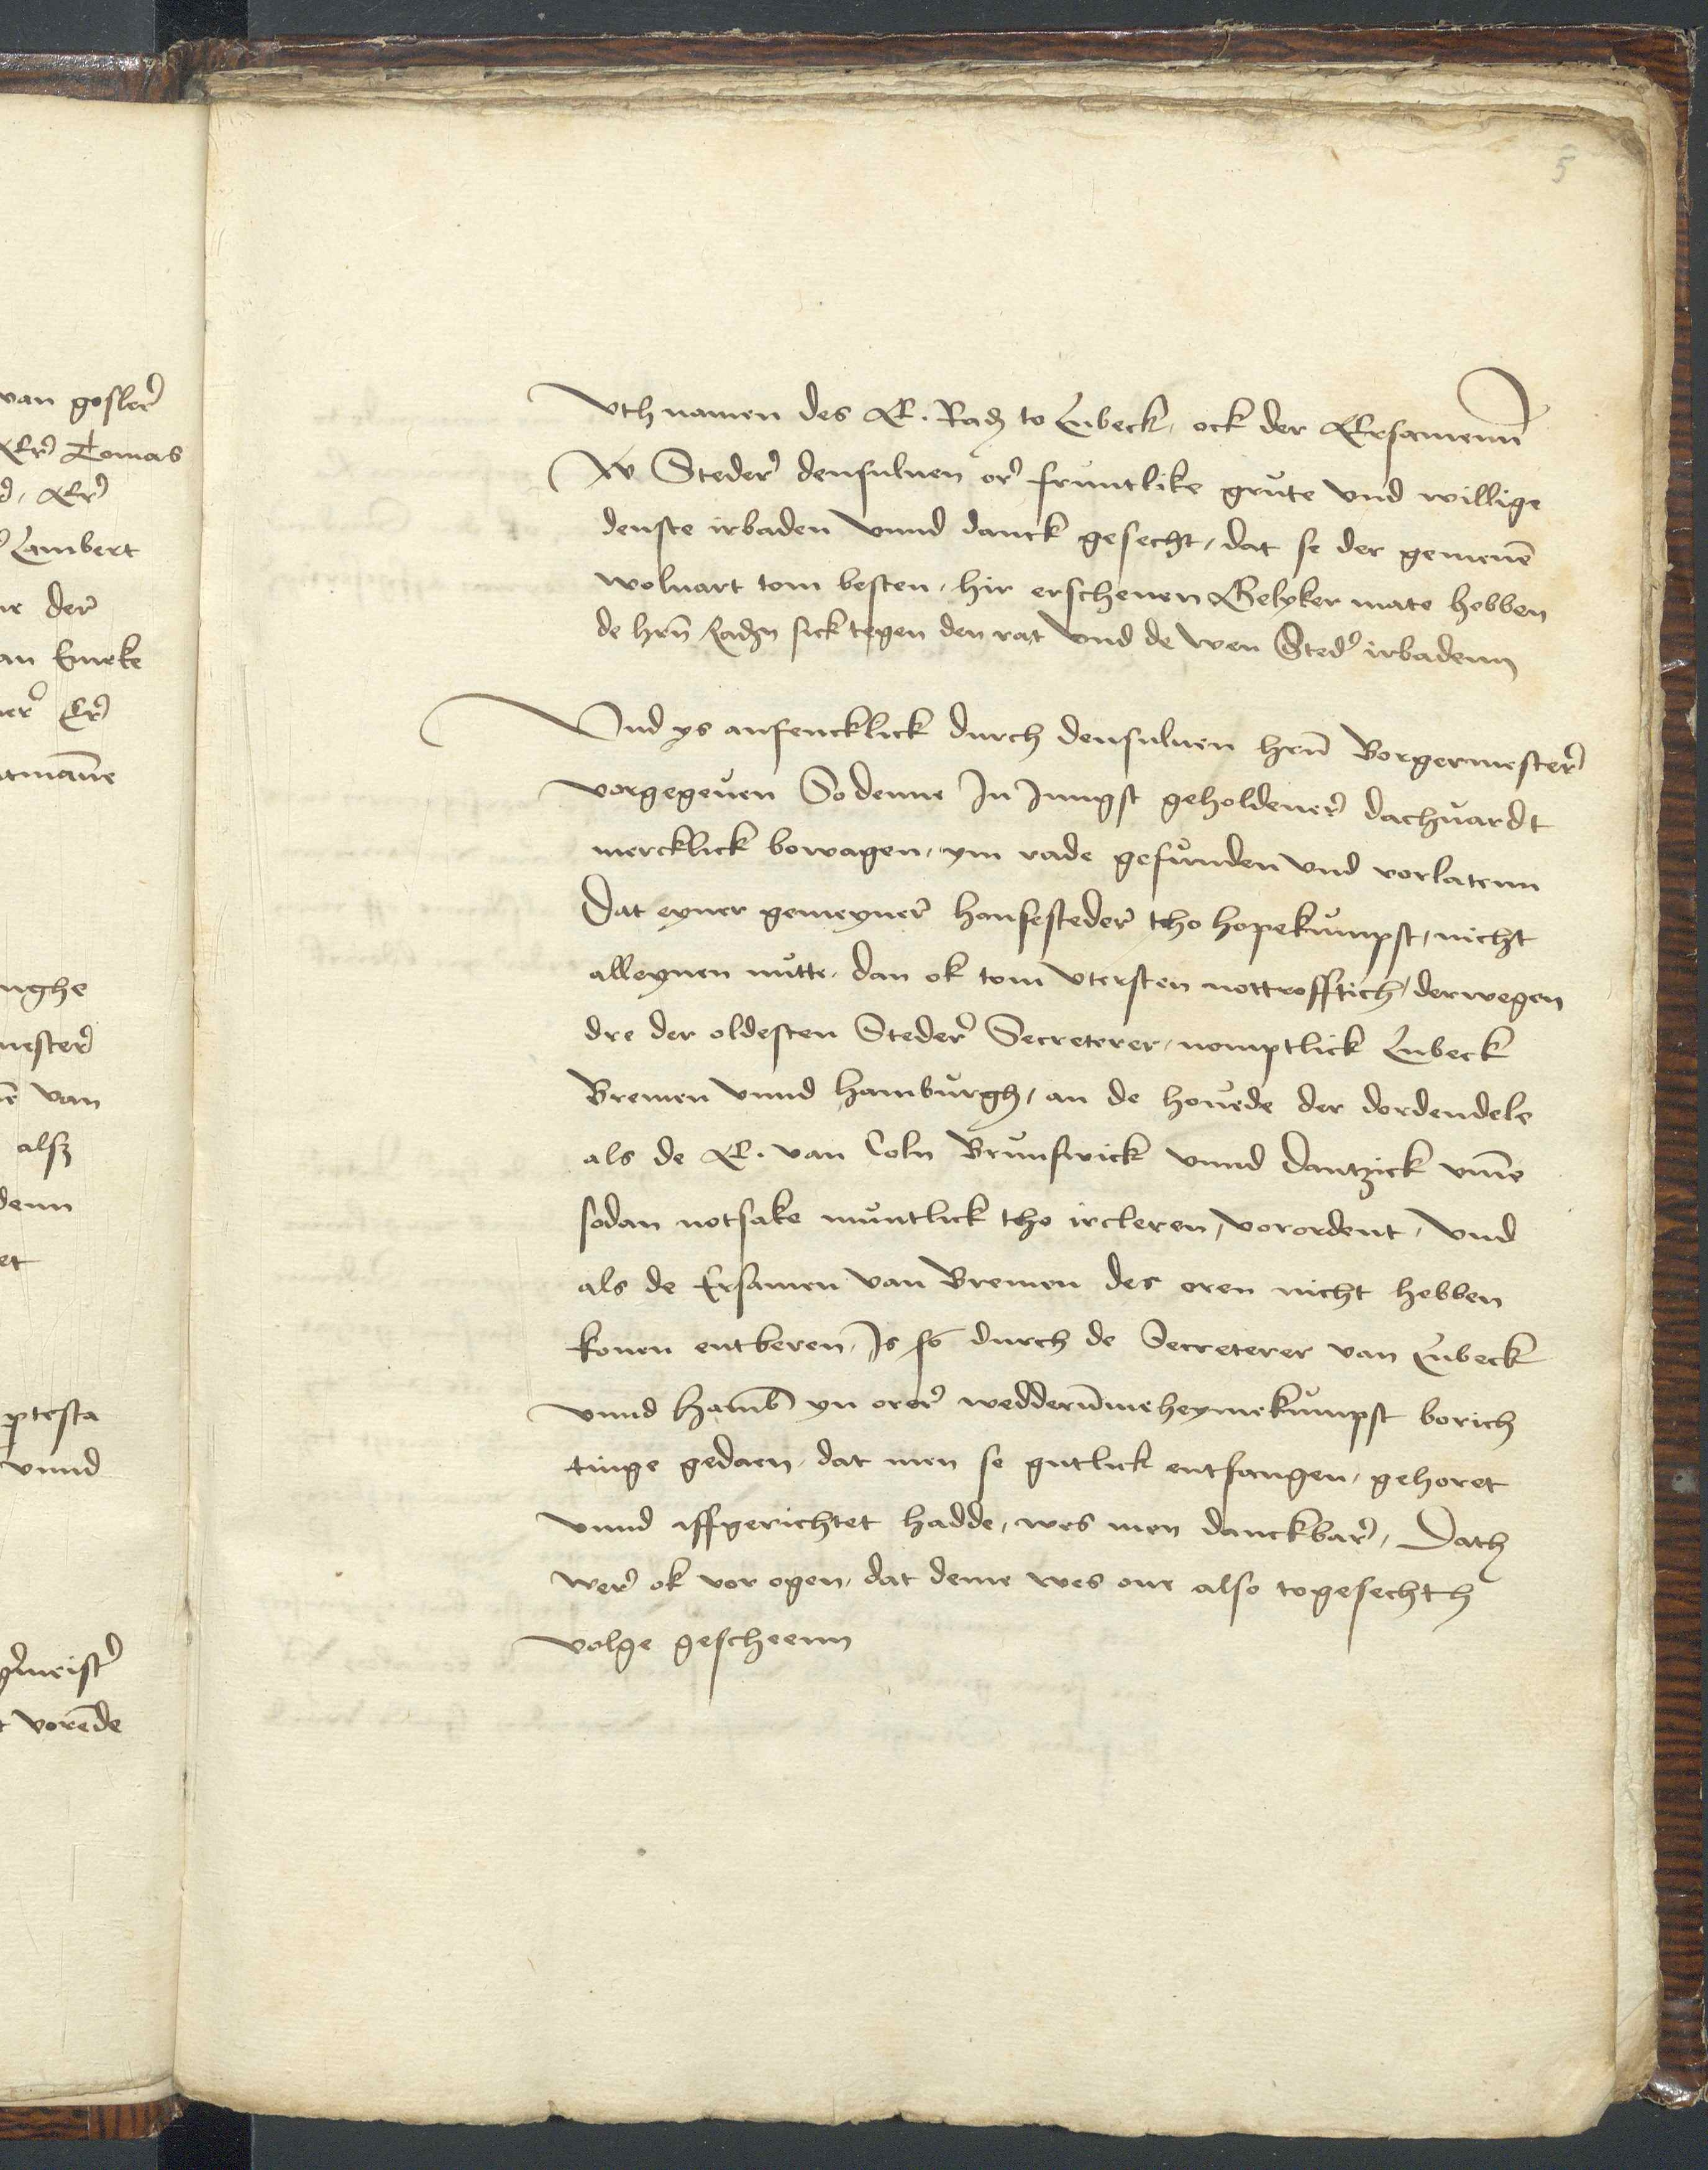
vth namen des E. Rades to Lubeck, ock der Ersamenn
W. Stedere densuluen ore fruntlike grute vnd willige
denste irboden vnnd danck gesecht, dat se der gemenen
woluart tom besten, hir erschenen Gelyker mate hebben
de hern Radessendebaden sick tegen den rat vnd de wen Steder irbadenn
Vnd ys anfencklich durch densuluen hern Borgermester
vorgegeuen So denne Jn Jungst geholdener dachuardt
mercklick bowagen, ym rade gefunden vnd vorlatenn
dat eyner gemeyner Hansesteder tho hopekumpst, nicht
alleynen nutte, dan ok tom vtersten nottrofftich, derwegen
dre der oldesten Steder Secreterer, nomptlick Lubeck
Bremen vnnd Hamburgh, an de houede der dordendele
als de E. van Coln Brunswick vnnd Dantzick vmme
sodan notsake muntlick tho ircleren, vorordent, vnd
als de Ersamen van Bremen der oren nicht hebben
konen entberen, Js so durch de Secreterer van Lubeck
vnnd Hamburg yn orer wedderummeheymekumpst borich¬
tinge gedaen, dat men se gutlick entfangen, gehoret
vnnd vffgerichtet hadde, wes man danckbar, dath
wer ok vor ogen, dat deme was one also togesechth
volge gescheenn
